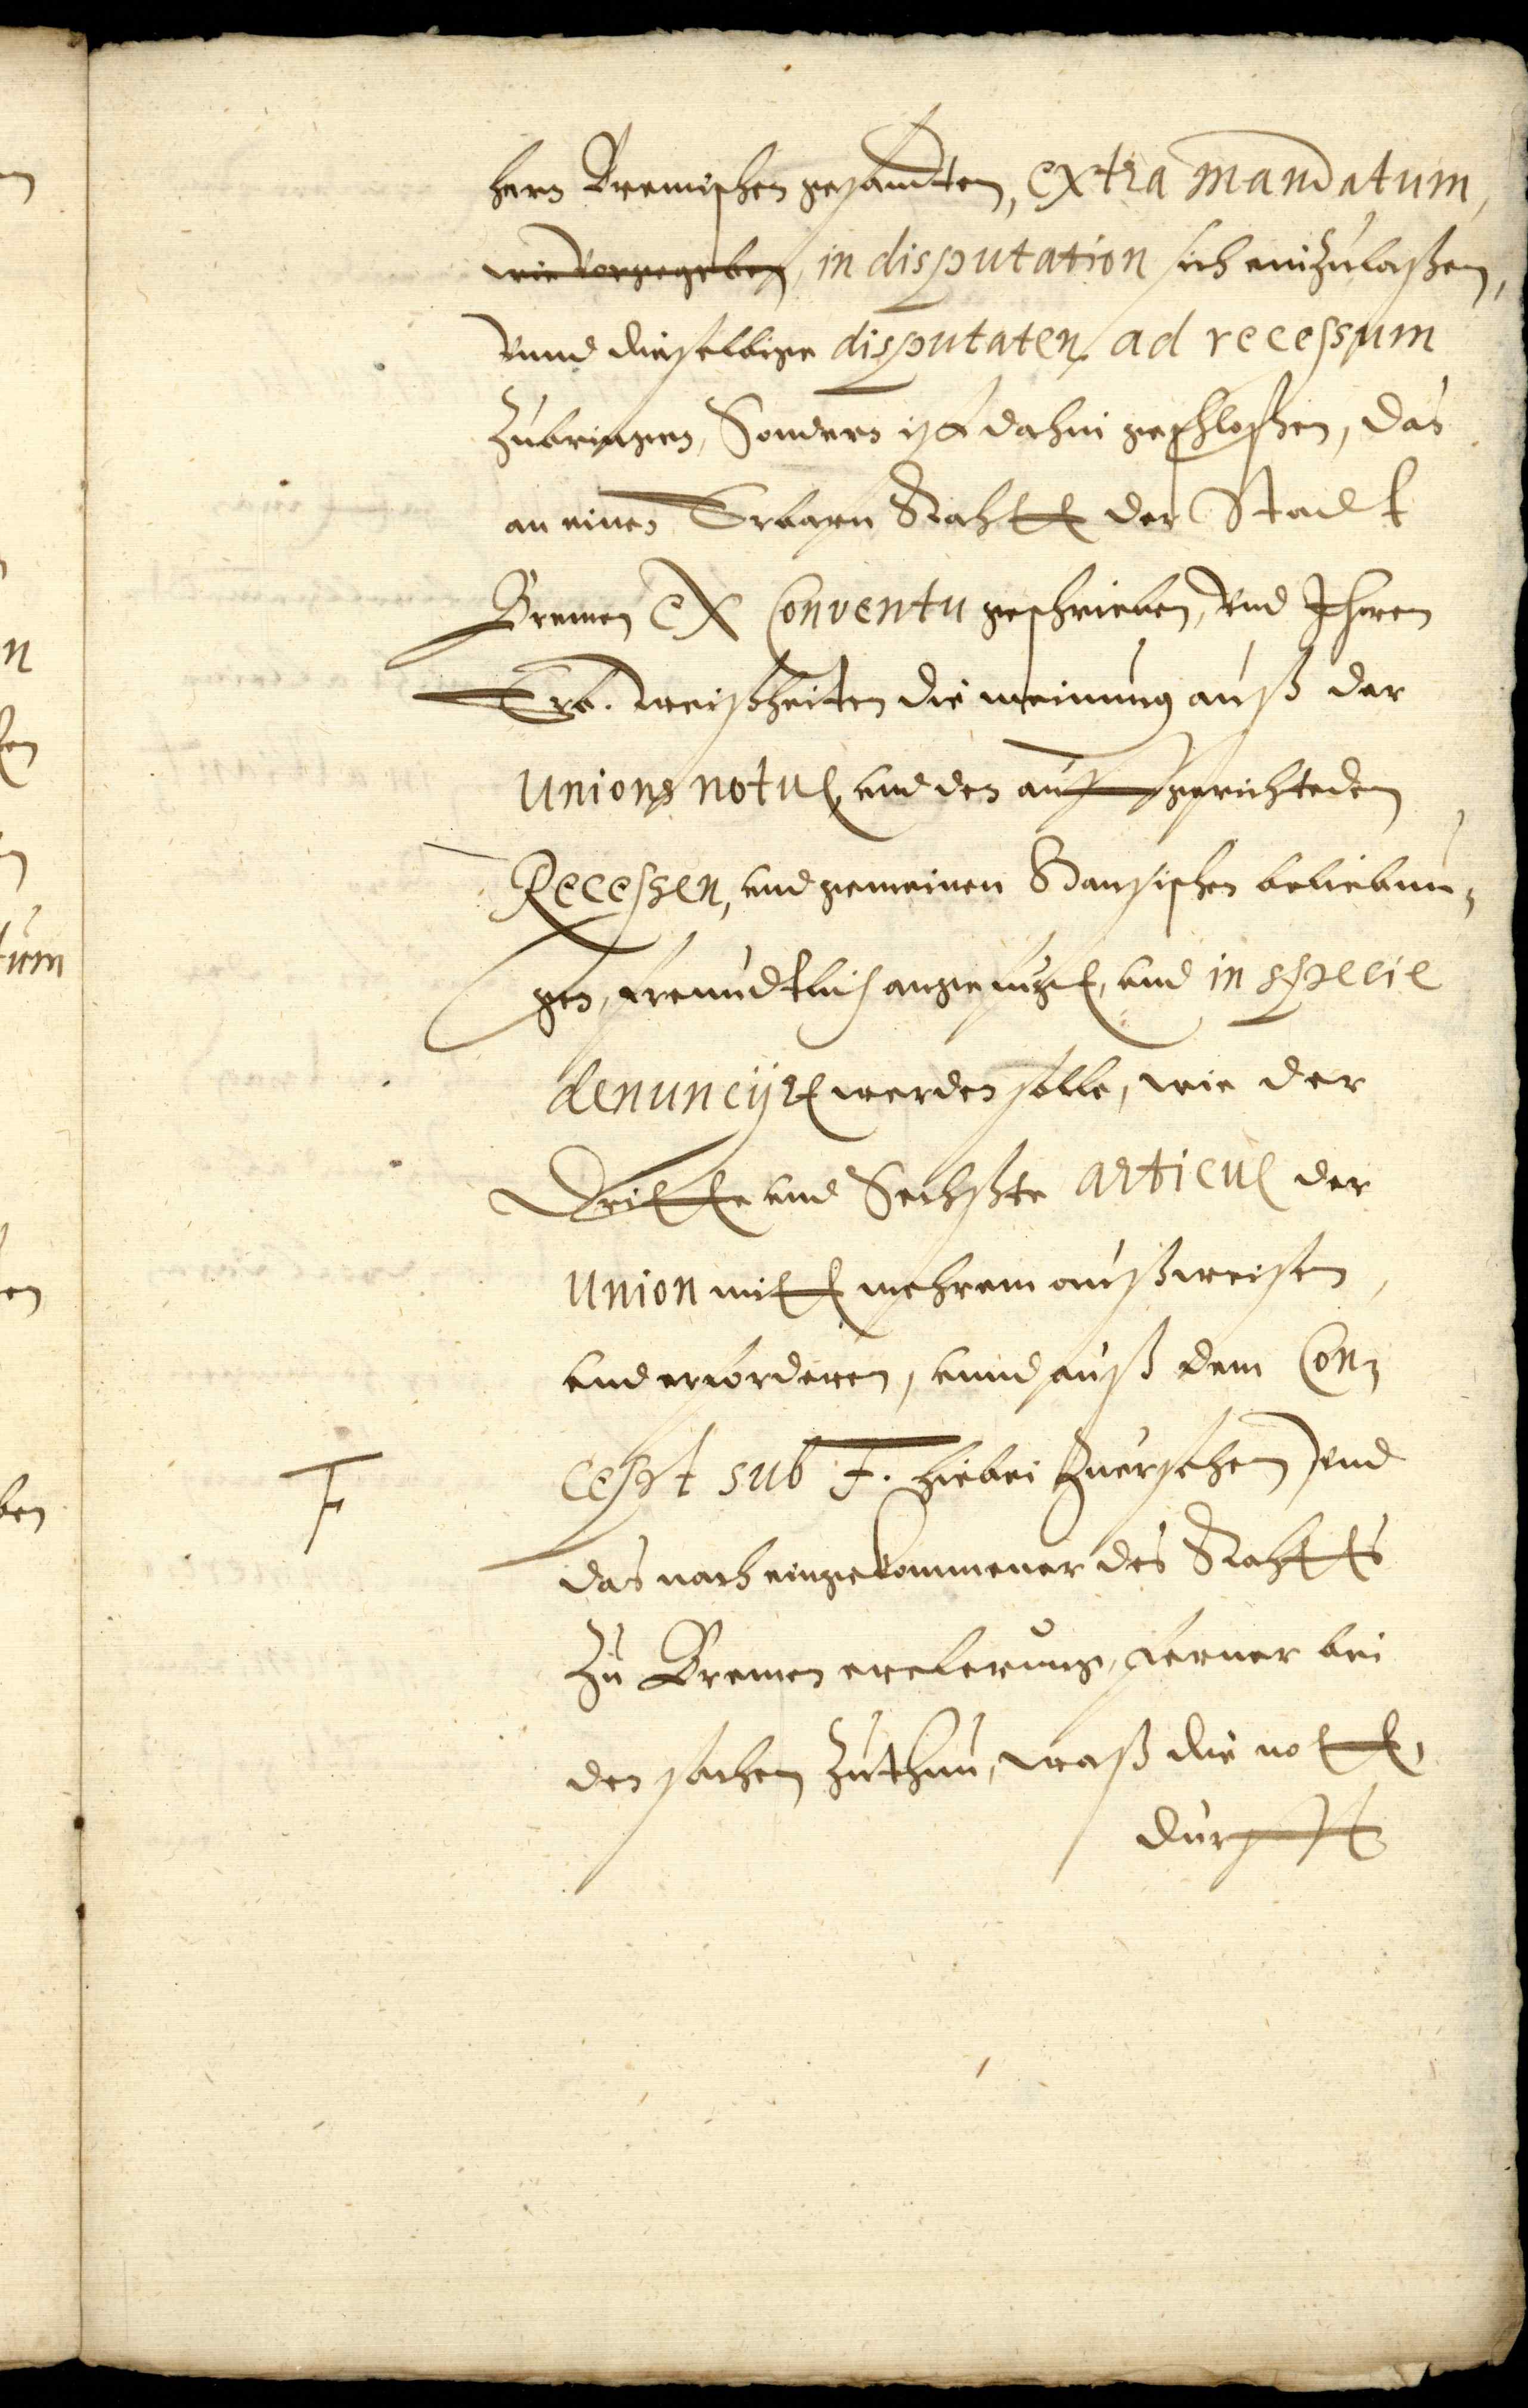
F
hern Bremischen gesandten, extra mandatum,
wie Vorgegeben, in disputation sich einZulaßen,
Vnnd dieselbige disputaten ad recessum
Zubringen, Sondern ist dahin geschloßen, das
an einen Erbarn Rahtt der Stadt
Bremen ex Conventu geschrieben, Vnd Ihren
Erb. Weißheiten die meinung auß der
unions notul, vnd den auffgerichteden
Recessen vnd gemeinen Hansichen beliebun¬
gen, freundtlich angefuget, vnd in specie
denuncijrt werden solle, wie der
Dritte vnd Sechßte articul der
Union mitt mehrem außweisen
vnd erforderen, vnnd auß dem Con¬
cept sub F. hiebei Zuersehen Vnd
das nach eingekommener des Rahtts
zu Bremen erclerung ferner bei
den sachen Zuthun, waß die nott¬
durfft
